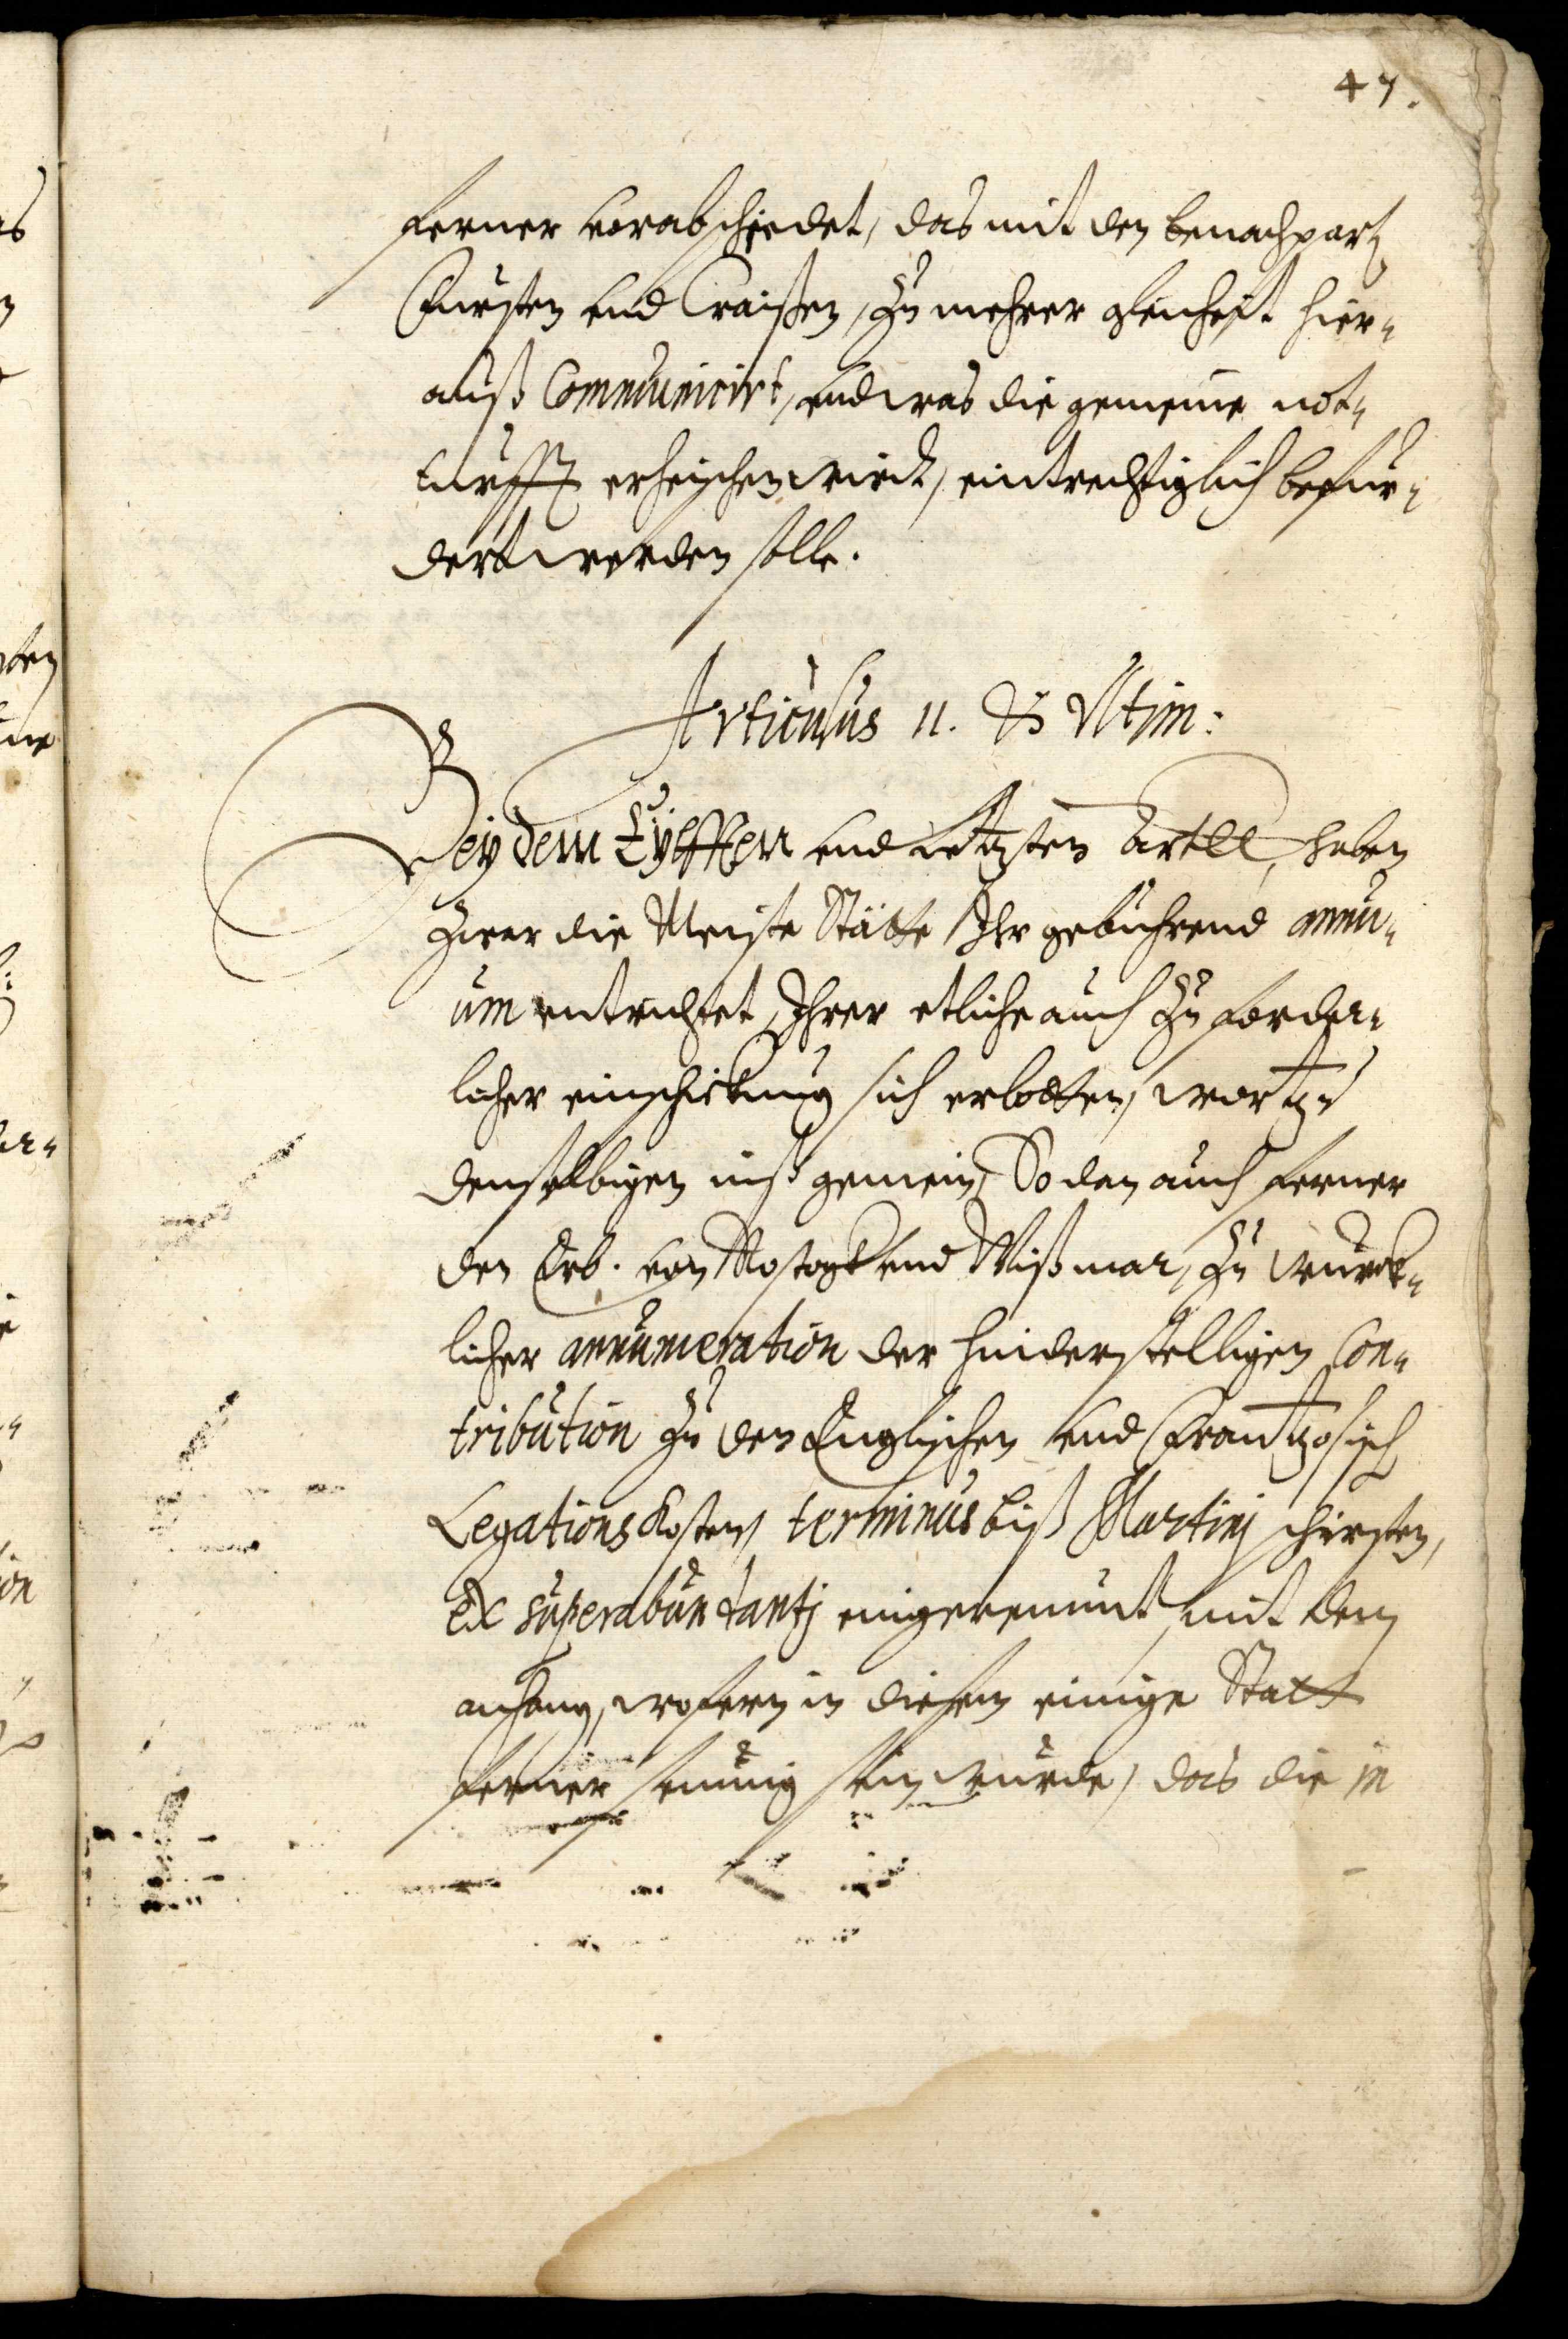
47.
ferner vorrabschedet, das miß den benachparten
Fursten vnd Craisen, zu mehrer gleicheit hier¬
auß Communicirt, vnd was die gemeine not¬
turfft erheischen wirdt, eintrechtiglich befur¬
dert werden solle.
Articulus II V Vltim:
Beij dem Eijlfften vnd letzten Artll, haben
zwar die Meiste Stätte Ihr gebuhrend annu¬
um entrichtet, Ihrer etliche auch zu forder¬
licher einschickung sich erbotten, wortz?
denselbigen inßgemein, Sodan auch ferner
den Erb, von Rostogk vnd Wißmar zu wurck¬
licher annumeration der hinderstelligen con¬
tribution zu den Englischen vnd Frantzosischen
Legationskosten, terminus biß Martinij schirsten,
ex superabundantj eingereumt, mit dem
anhang wofern in diesem einige Statt
ferner seumig sein wurde, das die in
